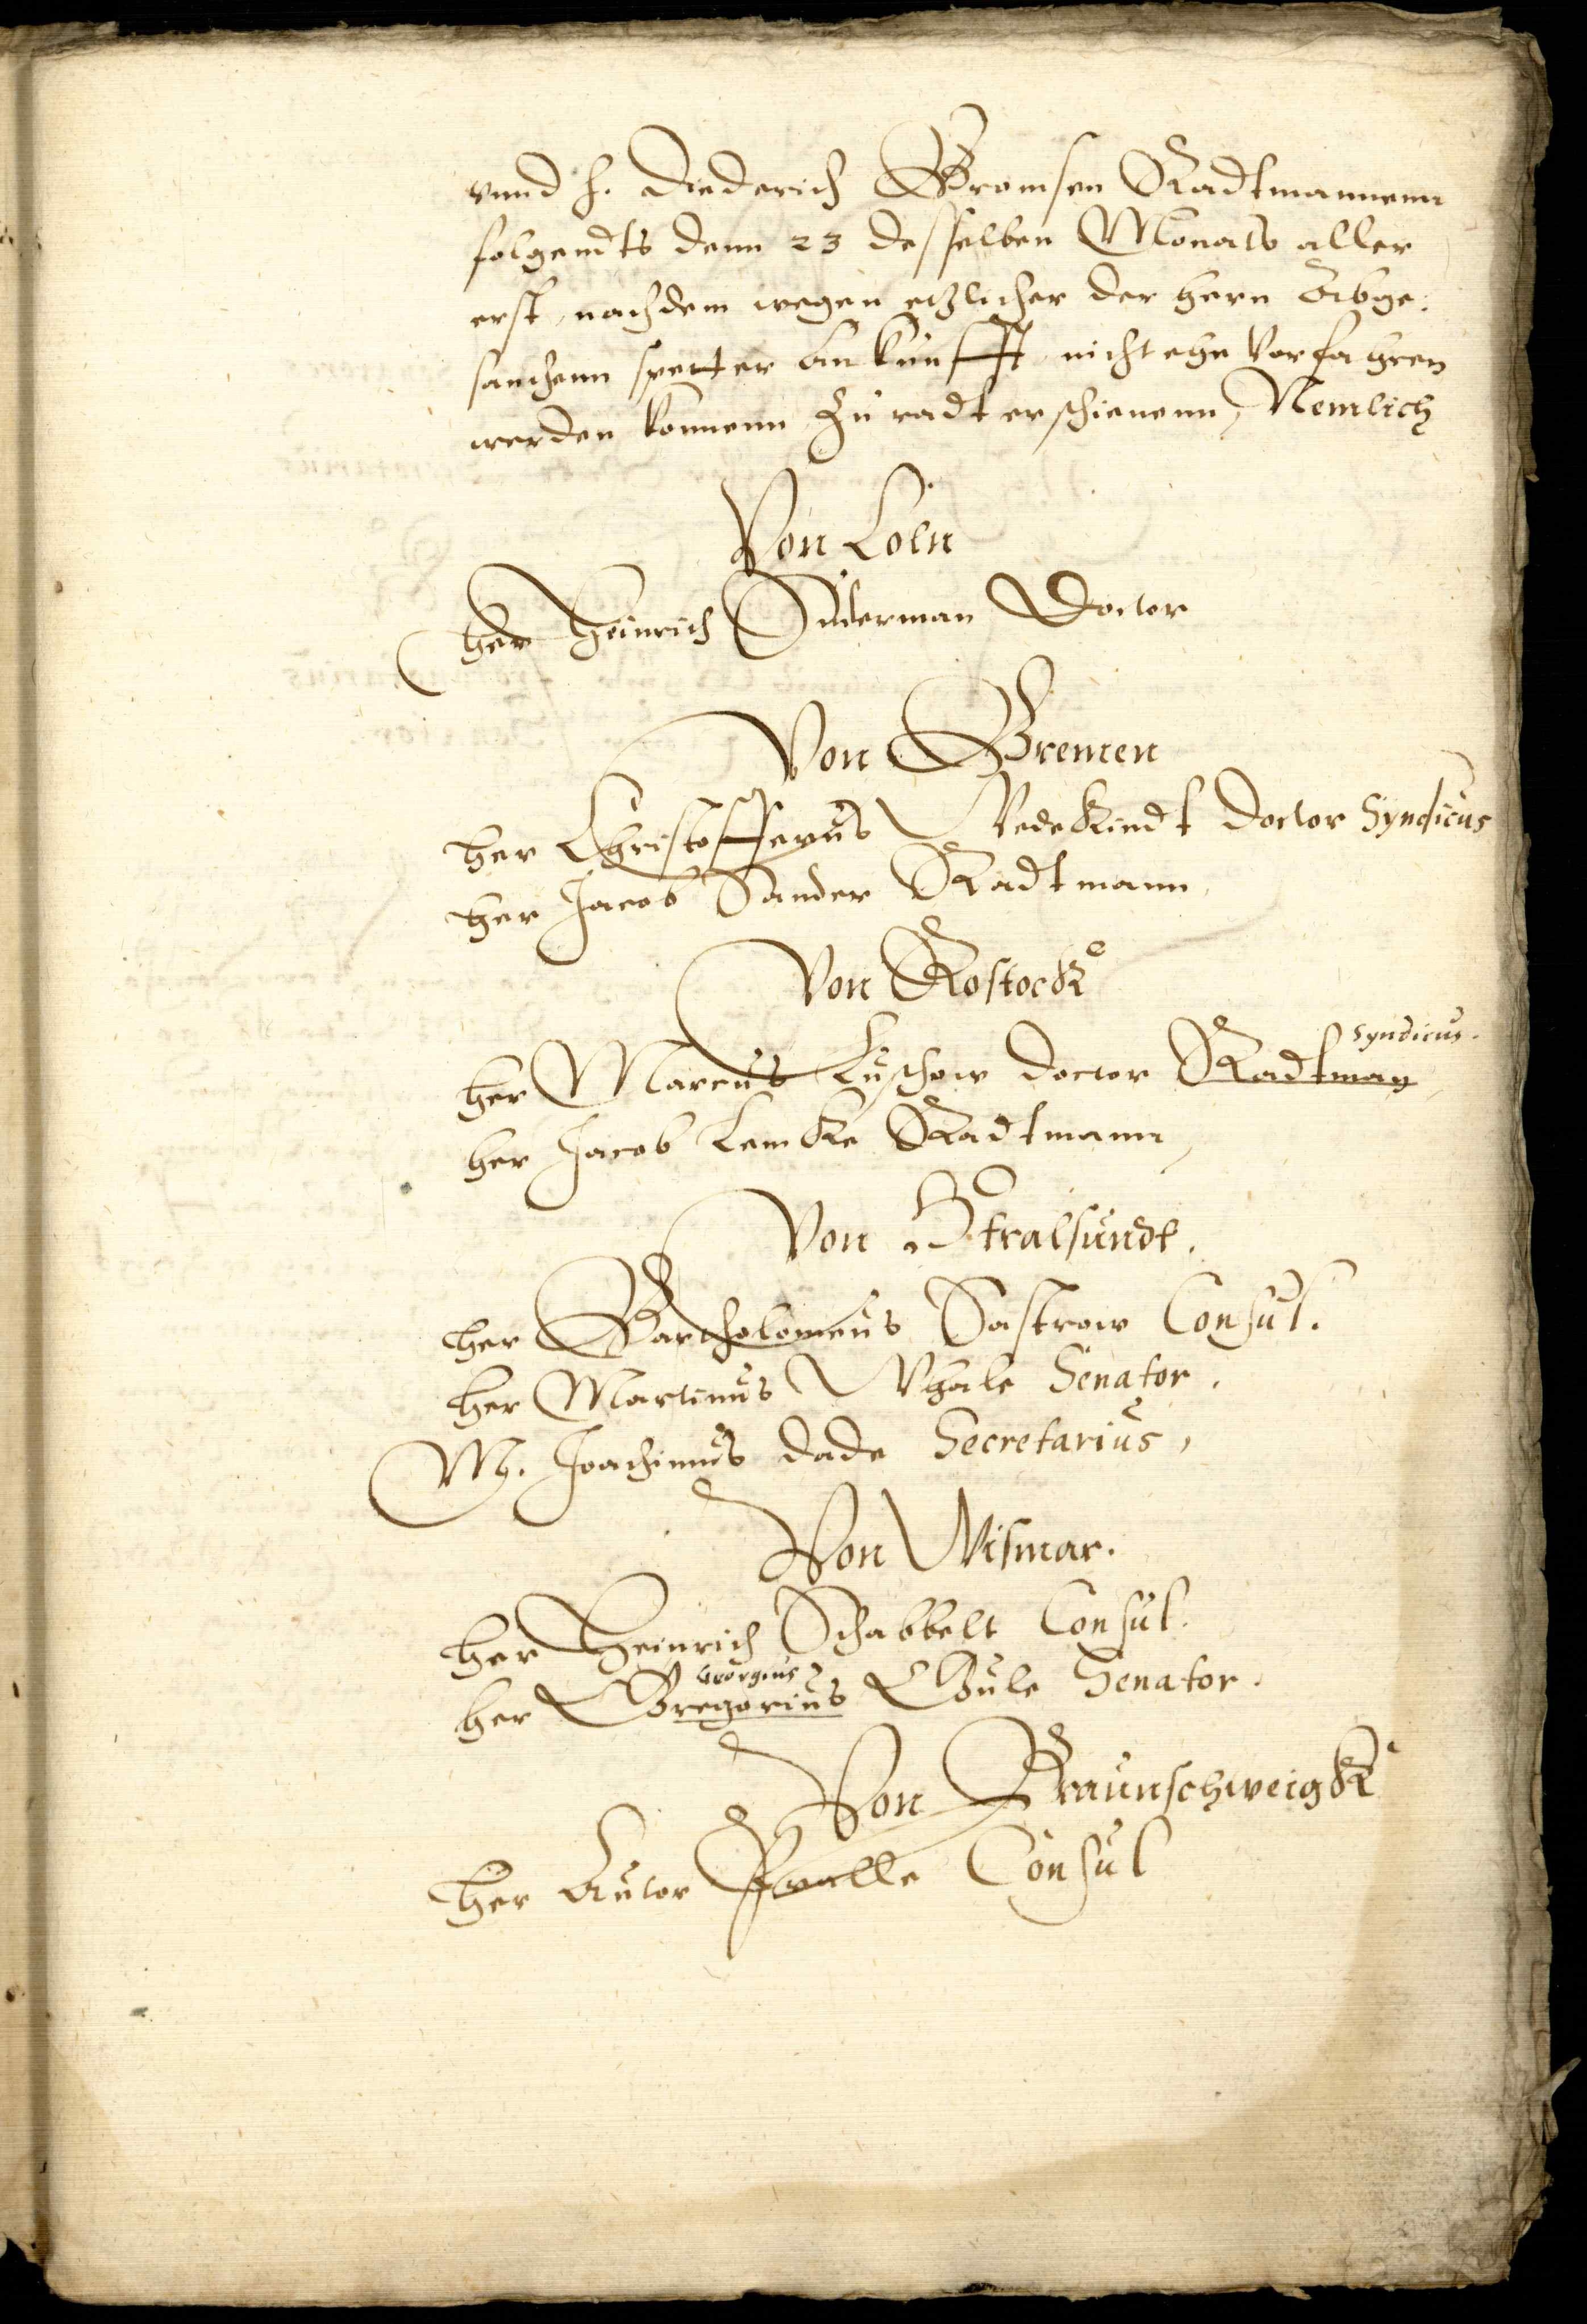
vnnd h. Diederich Bromsen Radtmannenn
folgendts denn 23 desselben Monats aller
erst, nachdem wegen etzlicher der hern Abge¬
santhenn spetter ankunfft nicht ehe Vorfahren
werden konnenn zu radt erschienenn, Nemlich
Von Coln
her Heinrich Sudermann Doctor
Von Bremen
her Christofferus Wedekindt Doctor Syndicus
her Jacob Sander Radtmann
Von Rostocke
syndicus
her Marcus Luschow Doctor Radtman
her Jacob Lemke Radtmann
Von Stralsundt.
her Bartholomeus Sastrow Consul.
her Martinus Whale Senator,
M. Joachimus Dade Secretarius,
Von Wismar.
her Heinrich Schabbelt Consul.
Georgius
her Gregorius Gule Senator.
Von Braunschweigk
her Autor Pralle Consul
